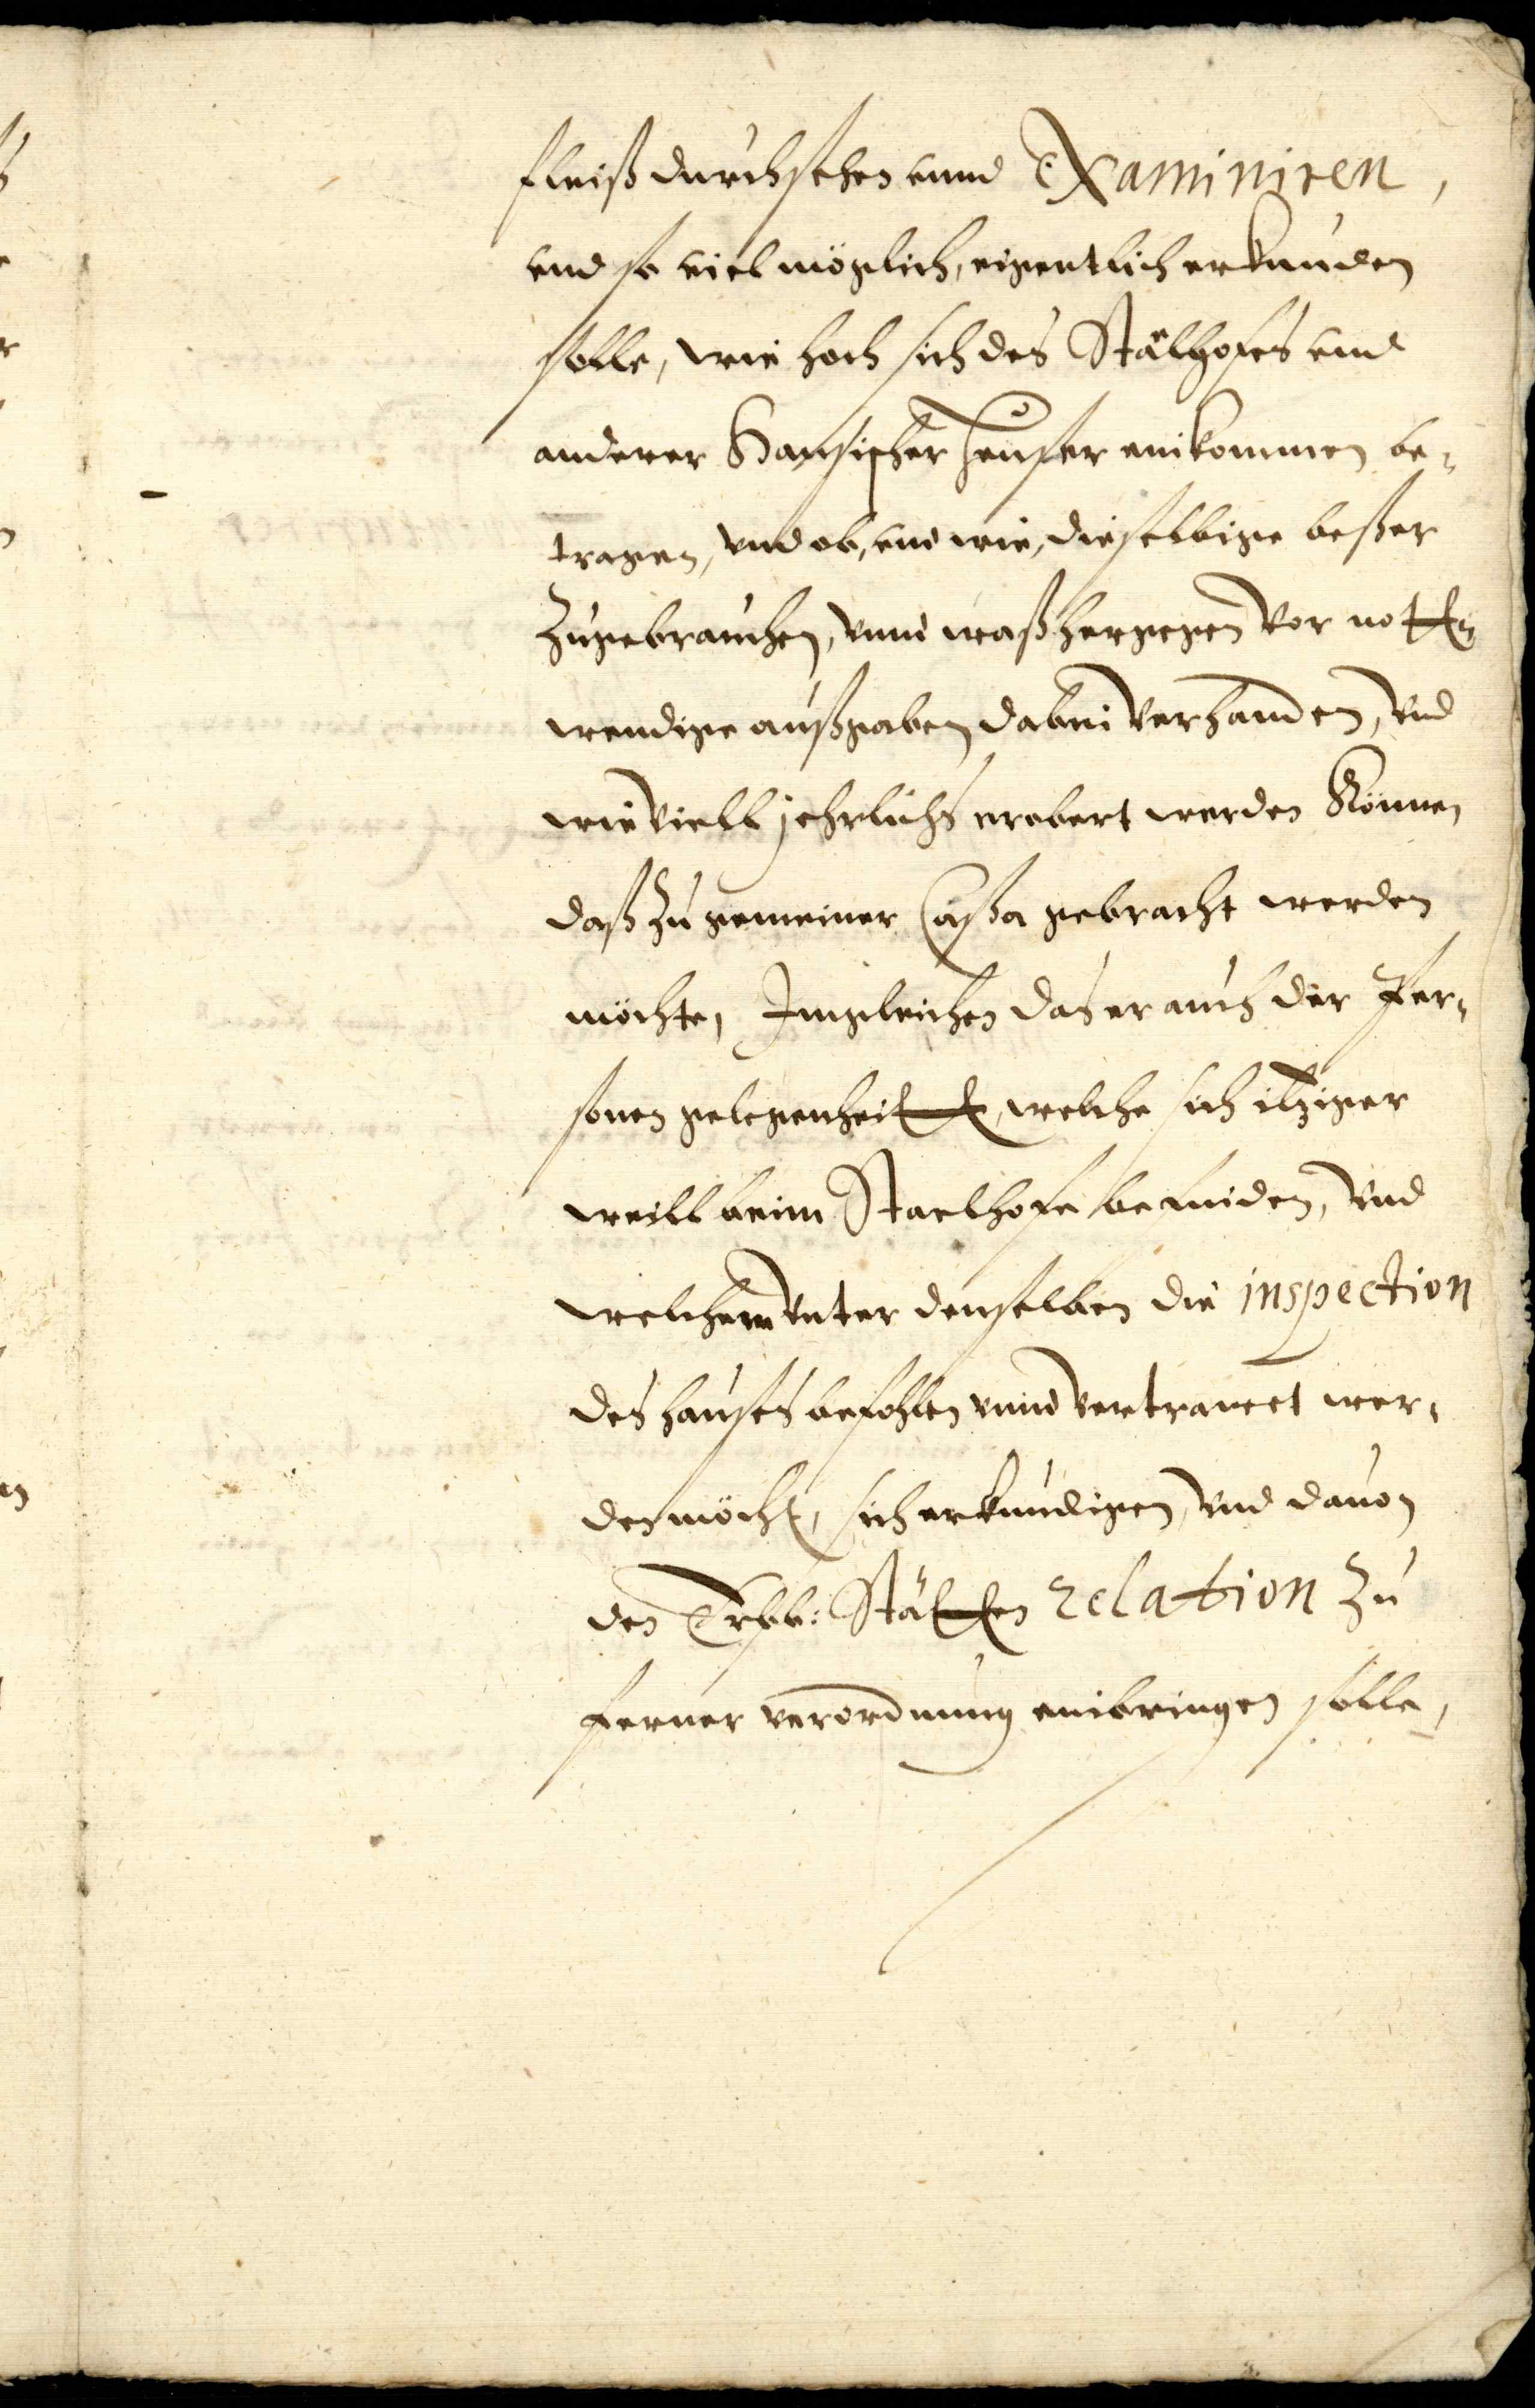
fleiß durchsehen vnnd examiniren,
vnd so viel möglich, eigentlich erkunden
solle, wie hoch sich des Staelhofes vnd
anderer Hansischer heuser einkommen be¬
tragen, vnd ob, vnd wie, dieselbige beßer
Zugebrauchen, vnnd waß hergegen Vor nott¬
wendige außgaben dabei Verhanden, vnd
wie viell jehrlichs erobert werden könne,
daß Zu gemeiner Caßa gebracht werden
möchte, Imgleichen das er auch der Per¬
sonen gelegenheitt, welche sich itziger
weill beim Staelhofe befinden, Vnd
welchem Vnter denselben die inspection
des hauses befohlen vnnd Vertrawet wer¬
den möcht, sich erkundigen Vnd dauon
den Erbb: Stätten relation Zu
ferner verordnung einbringen solle,
